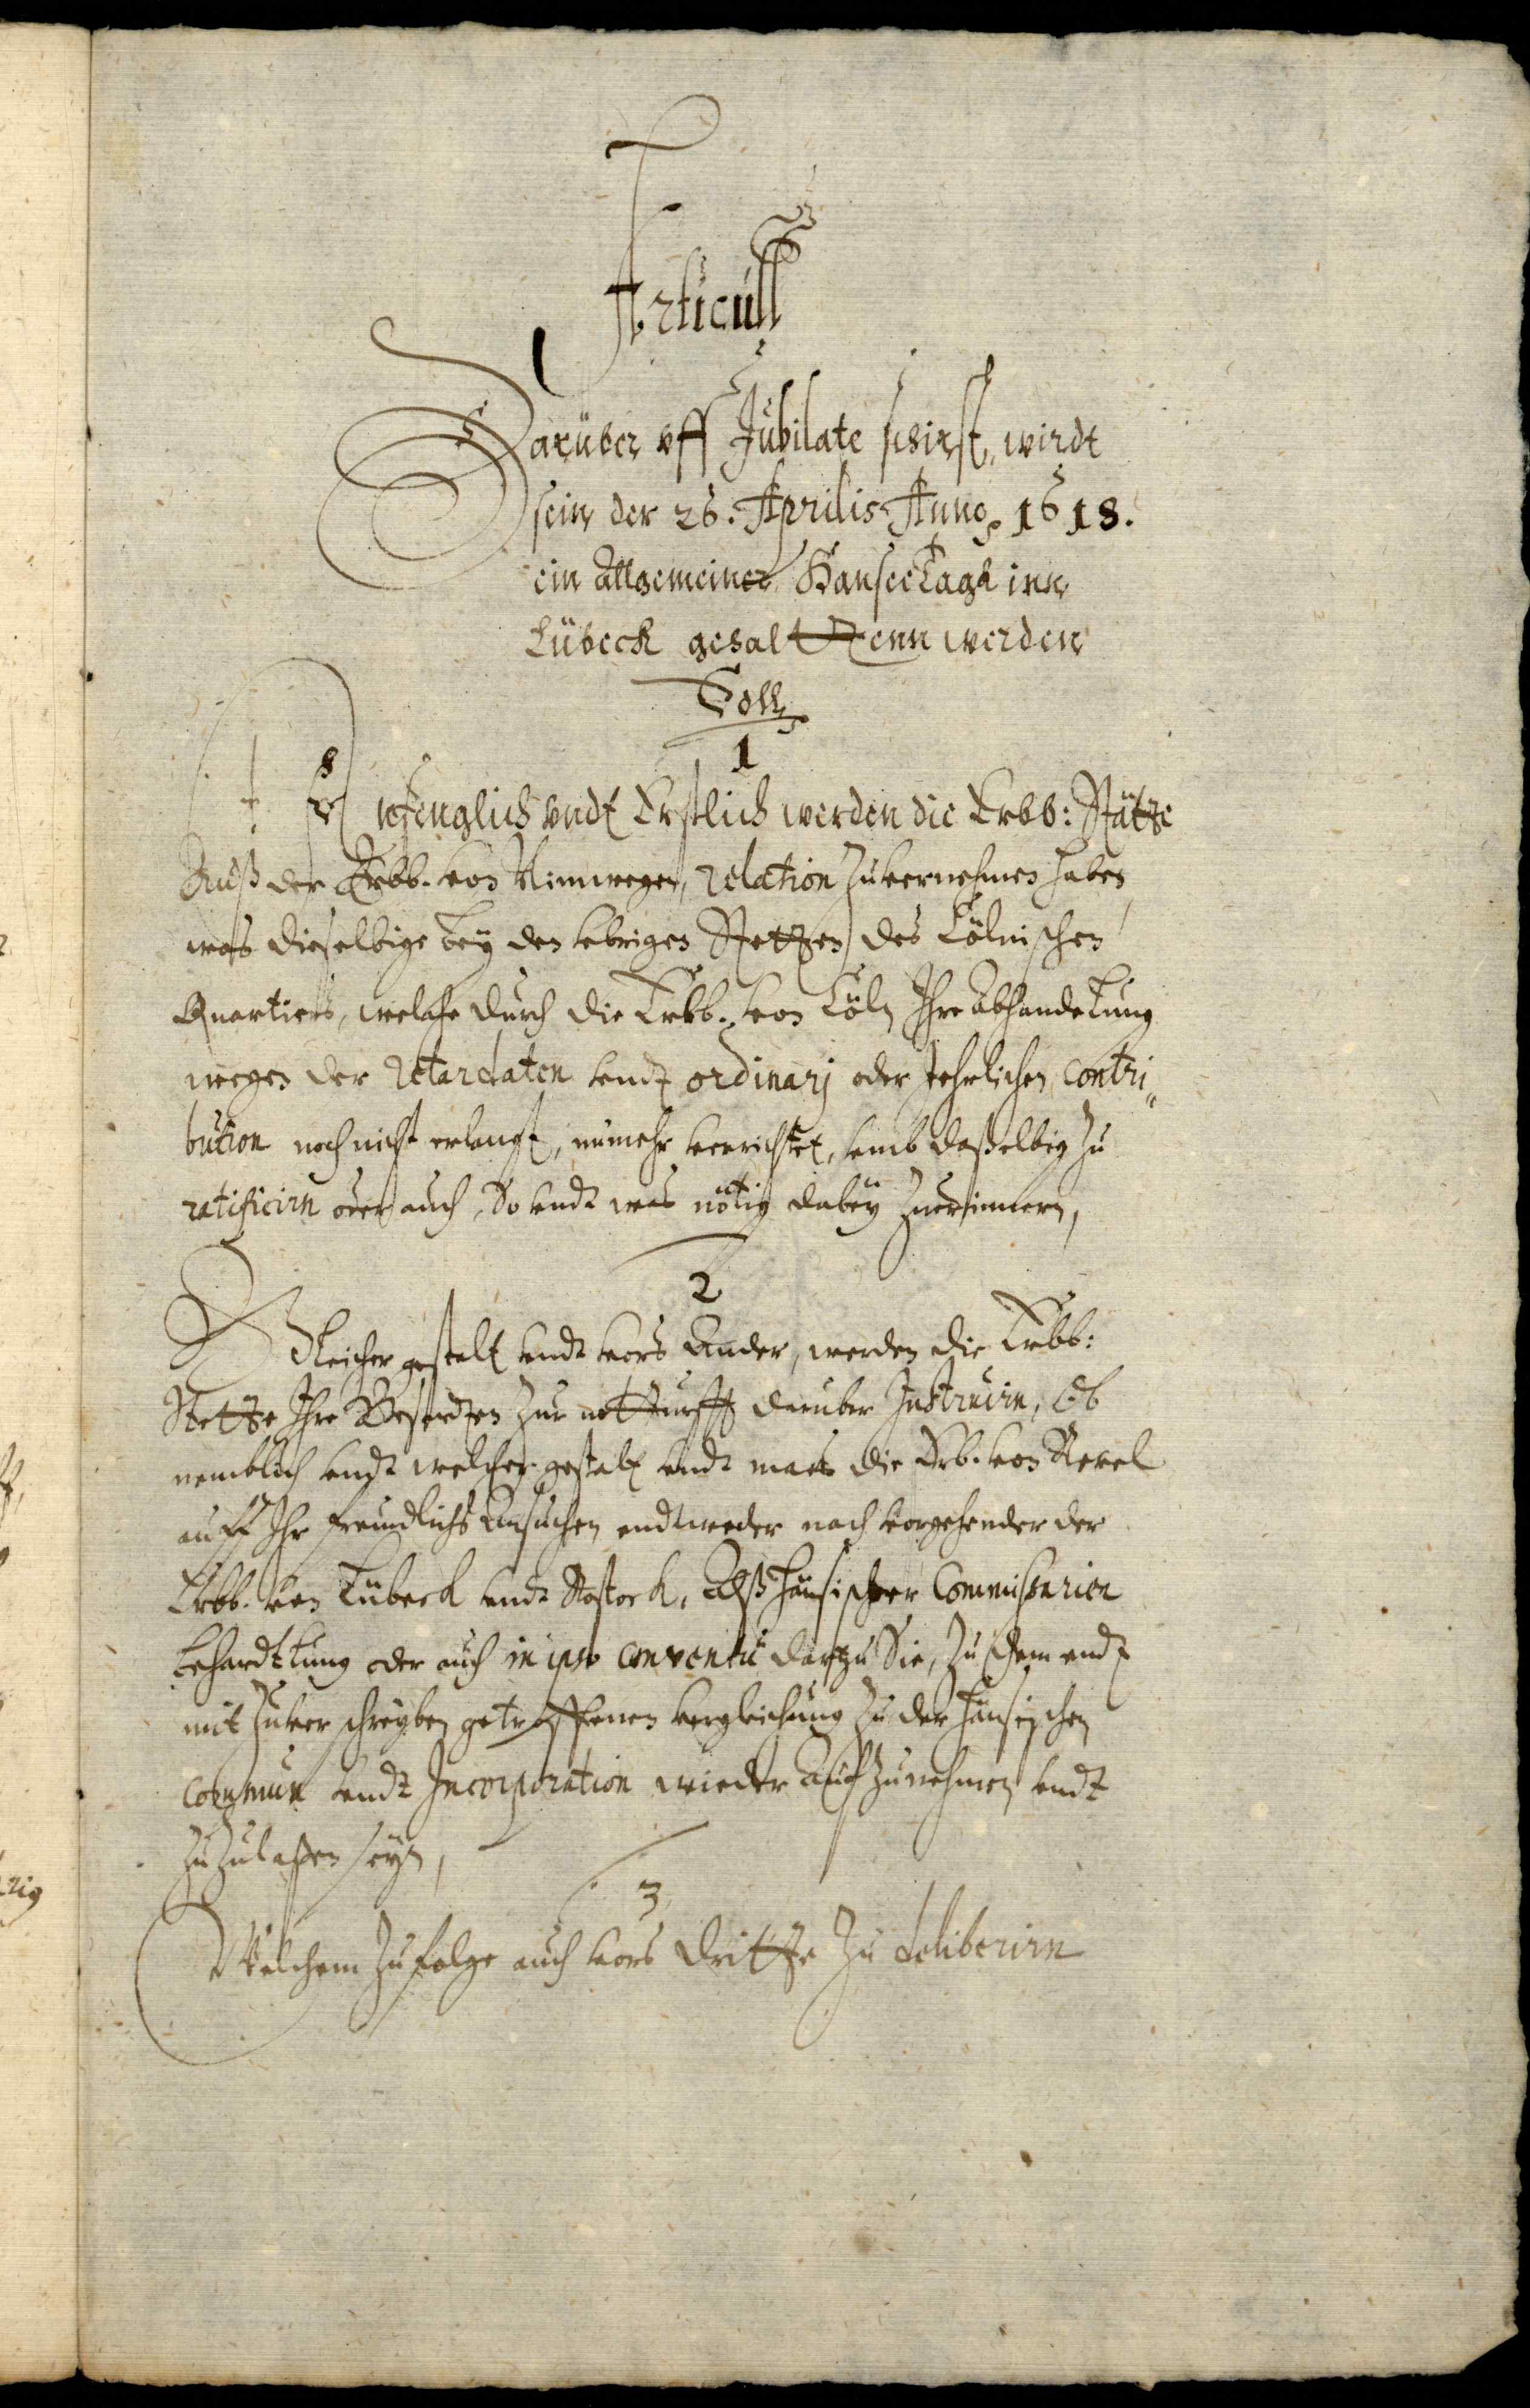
Articull
Darüber vff Jubilate schirst, wirdt
sein der 26. Aprilis Anno p 1618.
ein Allgemeiner HanseeTagk inn
Lübeck gehalttenn werden
Soll
1
Anfenglich vnd Erstlich werden die Erbb: Stätte
Auß der Erbb. von Nimwegen, relation zu vernehmen haben,
was dieselbige beij den vbrigen Stetten des Cölnischen
Quartiers, welche durch die Erbb. von Cöln Ihre Abhandelung
wegen der retardaten vndt ordinarj oder Jehrlichen contri¬
bution noch nicht erlangt, numehr verrichtet, vmb daßelbig zu
ratificirn oder auch, So vndt was nötig dabeij zuerinnern,
2
Gleicher gestalt vndt vors Ander, werden die Erbb:
Stette Ihre Gesandten zur notturfft daruber Instruirn, Ob
nemblich vndt welcher gestalt vndt maes die Erb. von Revel
auff Ihr freundlichs Ansuchen endtweder nach vorgehender der
Erbb. von Lübeck vndt Rostock, Alß hänsischer Commissarien
behandtlung oder auch in ipso conventu dartzu Sie, zu dem endt
mit zuver schreijben getroffenen vergleichung zu der hänsischen
commun vndt Incorporation wieder Aufzunehmen vndt
zuzulaßen seijn,
3
Welchem zufolge auch vors dritte zu deliberirn
